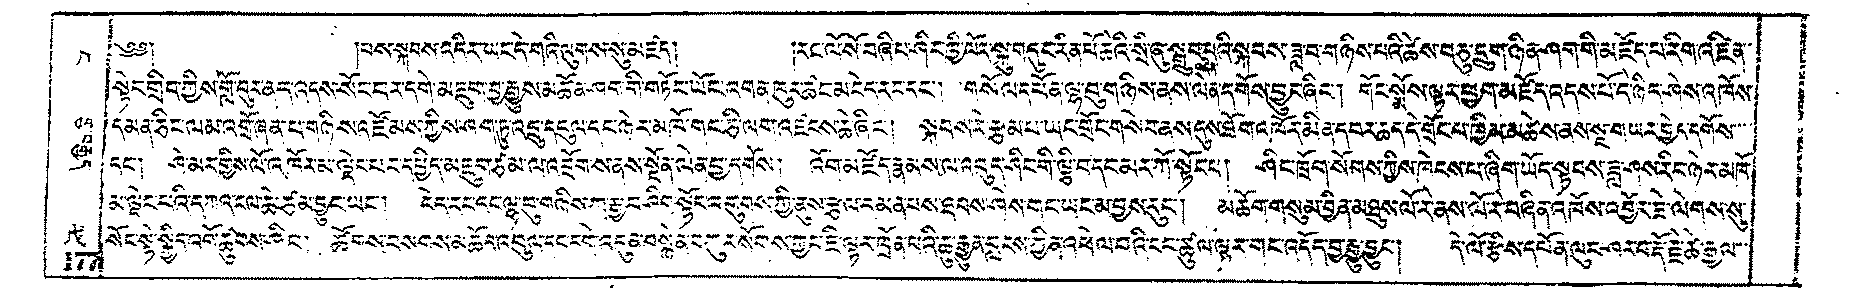༄༅། །པས་སྐབས་འདིར་ཡང་དེ་གའི་ལུགས་སུ་མཛད། །རང་ལོ་སོ་བཞི་པ་ཤིང་ཁྱི་ལོར་སྐུ་གདུང་རིན་པོ་ཆེའི་སྲི་ཞུ་སྒྲུབ་བཞིན་པའི་སྐབས་ཟླ་བ་གཉིས་པའི་ཚེས་བཅུ་དྲུག་ཉིན་ཤག་གི་མཛོད་པ་རིག་འཛིན་
སྟེང་གྲིབ་ཀྱིས་གློ་བུར་ནད་འདས་སོང་བར་དགེ་མཇུག་བྱ་རྒྱུས་མཚོན་ཤག་གི་གཏོང་ཡོང་འགན་ཁུར་ཚང་མ་ངེད་རང་དང་། གསོལ་དཔོན་ལྷ་བུ་གཉིས་ནས་ལེན་དགོས་བྱུང་ཞིང་། གོང་སྨོས་ལྟར་ཕྱག་མཛོད་འདས་པོ་དེ་ཉིད་ཤེས་འཁོས་
དམན་ཅིང་ལམ་འགྲོ་ཞན་པ་གཉིས་འཛོམས་ཀྱིས་ཤག་ཏུ་འབྲུ་དངུལ་དང་ཉེར་མཁོ་གང་ཅི་ལག་འཛངས་ཆེ་ཞིང་། སྐབས་རེ་རྩམ་པ་ཡང་གྲོང་གསེབ་ནས་དུས་ཐོག་འཁོར་མིན་དབར་ཆད་དེ་གྲོང་པ་ཁྱིམ་མཚེས་ནས་སྔ་གཡར་བྱེད་དགོས་
དང་། ཤེ་མར་གྱིས་ལོ་འཁོར་མ་ལྡེང་པར་དཔྱིད་མཇུག་ཙམ་ལ་འབྲོག་ས་ནས་སྔོན་ལེན་བྱ་དགོས། འོག་མཛོད་རྣམས་ལ་འབུད་ཤིང་གི་ལྕི་བ་དང་མར་ཀོ་སྟོང་པ། ཤིང་ཁྲོག་སོགས་ཀྱིས་ཁེངས་པ་ཞིག་ཡོད་སྟབས་ཟླ་ཤས་རིང་ཉེར་མཁོ་
མ་ལྡེང་པའི་དཀའ་ངལ་ཆེ་ཙམ་བྱུང་ཡང་། ངེད་རང་དང་ལྷ་བུ་གཉིས་ཀ་རྒྱ་བཤིག་སྟོང་འགུགས་ཀྱི་ནུས་རྩལ་དམན་པས་ཐབས་ཤེས་གང་ཡང་མ་བྱས་རུང་། མཆོག་གསུམ་བྱིན་མཐུས་ལོ་རེ་ནས་ལོ་རེ་བཞིན་༧ཁོས་འབྱོར་ཇེ་ལེགས་སུ་
སོང་སྟེ་སྐྱིད་འགོ་ཚུགས་ཤིང་། ཚོགས་བསགས་མཆོད་འབུལ་དང་དགེ་འདུན་བསྙེན་བཀུར་སོགས་ཀྱང་ཇི་ལྟར་ཁྲོན་པའི་ཆུ་རྒྱུན་བླངས་ཀྱིན་འཕེལ་བའི་ངང་ཚུལ་ལྟར་གང་འདོད་བྱ་རྒྱུ་བྱུང་། དེ་ལོ་རྩིས་དཔོན་ལུང་ཤར་བ་རྡོ་རྗེ་ཚེ་རྒྱལ་